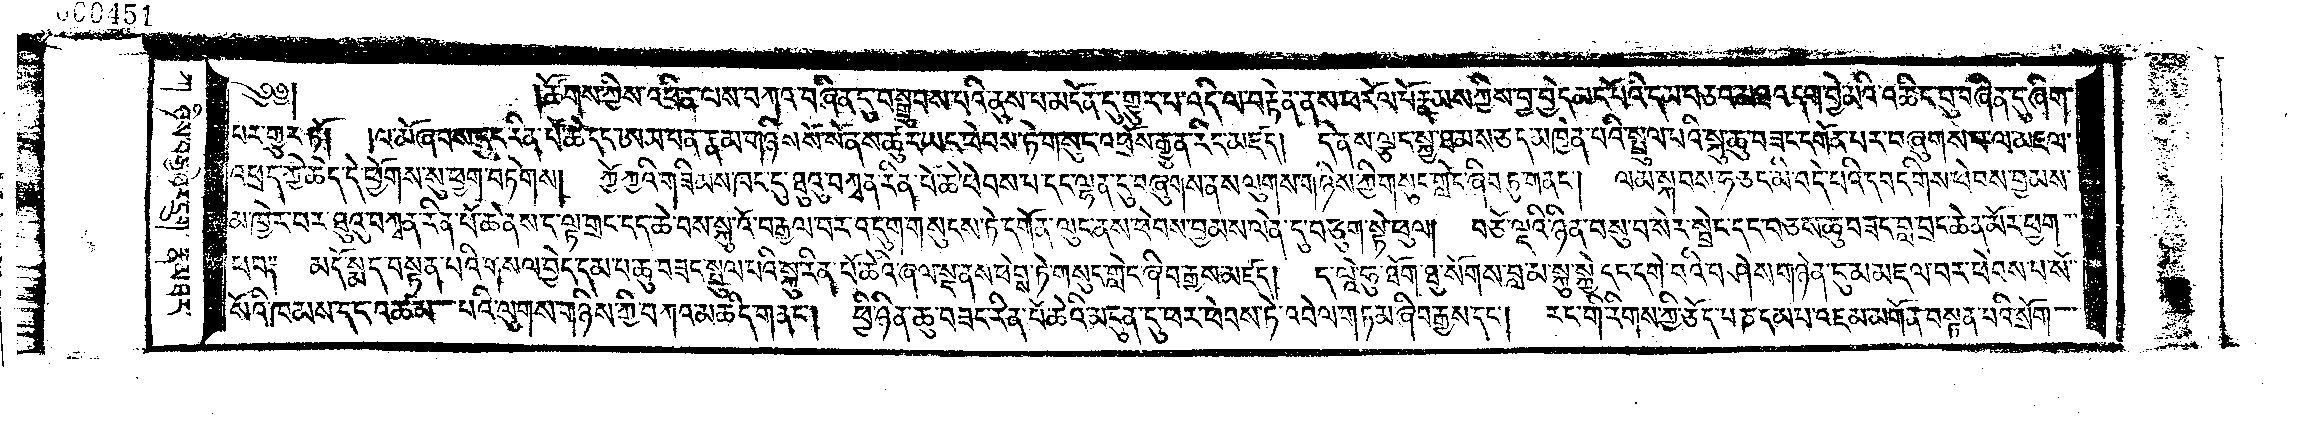༄༅། །ཚོགས་ཀྱིས་འཕྲིན་ལས་བཀའ་བཞིན་དུ་བསྒྲུབས་པའི་ནུས་པ་མངོན་དུ་གྱུར་པ་འདི་ལ་བརྟེན་ནས་ཕ་རོལ་པོ་རྣམས་ཀྱིས་བྱ་བྱེད་མང་པོའི་དམ་བཅའ་མཐའ་དག་བྱེ་མའི་འཆིང་བུ་བཞིན་དུ་ཞིག་
པར་གྱུར་ཏོ། །ལ་མོ་ཞབས་དྲུང་རིན་པོ་ཆེ་དང་ཨམ་བན་རྣམ་གཉིས་སོ་སོ་ནས་ཚུར་ཡང་ཕེབས་ཏེ་གསུང་འཕྲོས་རྒྱུན་རིང་མཛད། དེ་ནས་ལྕང་སྐྱེ་ཐམས་ཅད་མཁྱེན་པའི་སྤྲུལ་པའི་སྐུ་ཆུ་བཟང་དགོན་པར་བཞུགས་པ་ལ་མཇལ་
འཕྲད་ཀྱི་ཆེད་དེ་ཕྱོགས་སུ་ཕྱག་བཏེགས། ཀྱོ་ཀྱའི་གཟིམས་ཁང་དུ་ཐུའུ་བཀྭན་རིན་པོ་ཆེ་ཕེབས་པ་དང་ལྷན་དུ་བཞུགས་ནས་ལུགས་གཉིས་ཀྱི་གསུང་གླེང་ཞིབ་ཏུ་གནང་། ལམ་སྐབས་ཧ་ཅང་མི་བདེ་བའི་དབང་གིས་ཕེབས་བྱམས་
མ་ཁྱེར་བར་ཐུའུ་བཀྭན་རིན་པོ་ཆེ་ནས་ད་ལྟ་གྲང་ངད་ཆེ་བས་སྐུ་འོ་བརྒྱལ་བར་འདུག་གསུངས་ཏེ་དགོན་ལུང་ནས་ཕེབས་བྱམས་ལེན་དུ་བཅུག་སྟེ་ཕུལ། བཅོ་ལྔའི་ཉིན་བསུ་བ་སེར་སྦྲེང་དང་བཅས་ཆུ་བཟང་བླ་བྲང་ཆེན་མོར་ཕྱག་
ཕབ༑ མདོ་སྨད་བསྟན་པའི་གསལ་བྱེད་དམ་པ་ཆུ་བཟང་སྤྲུལ་པའི་སྐུ་རིན་པོ་ཆེའི་ཞལ་སྔ་ནས་ཕེབས་ཏེ་གསུང་གླེང་ཞིབ་རྒྱས་མཛད། ད་ལE་ཧུ་ཐོག་ཐུ་སོགས་བླ་མ་སྐུ་སྐྱེ་དང་དགེ་བའི་བཤེས་གཉེན་དུ་མ་མཇལ་བར་ཕེབས་པ་སོ་
སོའི་ཁམས་དང་འཚམ་པའི་ལུགས་གཉིས་ཀྱི་བཀའ་མཆིད་གནང་། ཕྱི་ཉིན་ཆུ་བཟང་རིན་པོ་ཆེའི་མདུན་དུ་ཕར་ཕེབས་ཏེ་འབེལ་གཏམ་ཞིབ་རྒྱས་དང་། རང་གི་རིགས་ཀྱི་ཅོད་པཎ་དམ་པ་འཇམ་མགོན་བསྟན་པའི་སྲོག་